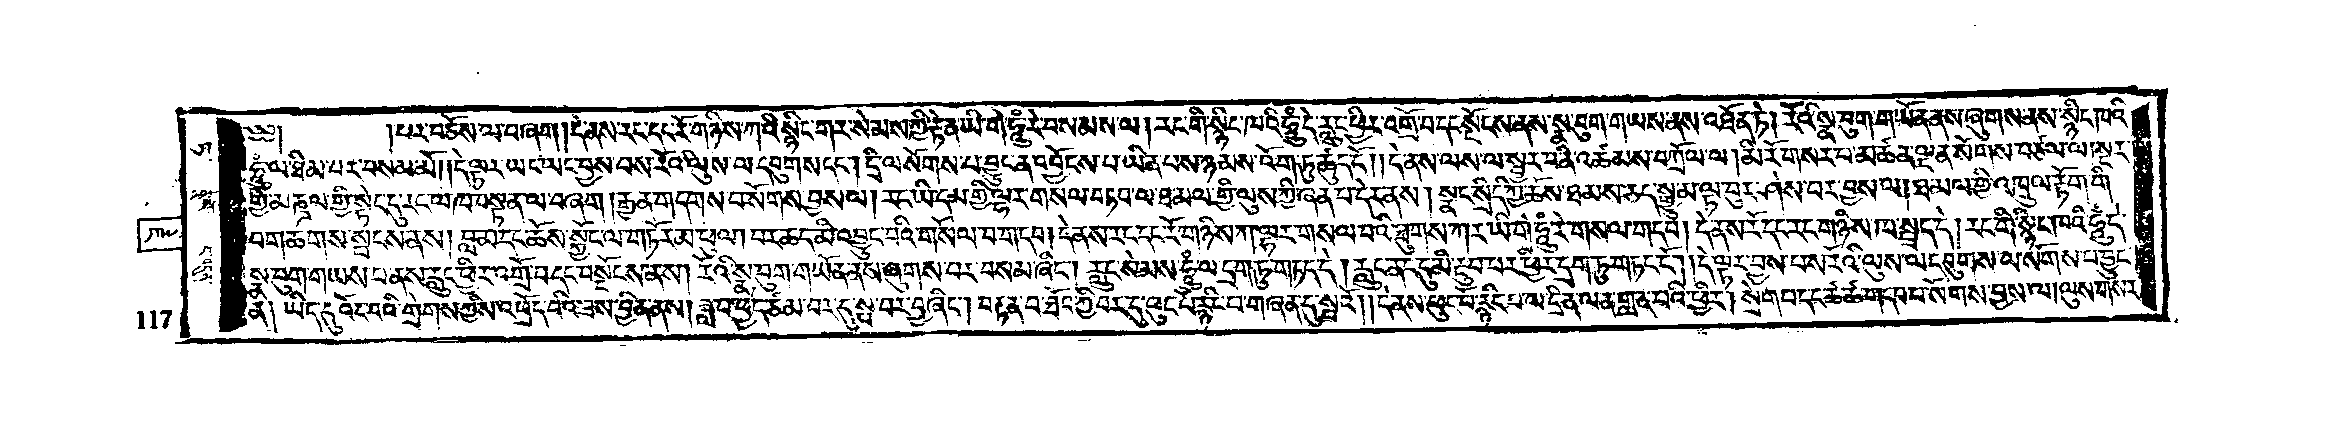༄༅། །པར་བཅོས་ལ་བཞག། དེ་ནས་རང་དང་རོ་གཉིས་ཀའི་སྙིང་གར་སེམས་ཀྱི་རྟེན་ཡི་གེ་ཧཱུཾ་རེ་བསམས་ལ། རང་གི་སྙིང་ཁའི་ཧཱུཾ་དེ་རླུང་ཕྱིར་འགྲོ་བ་དང་སྡོངས་ནས་སྣ་བུག་གཡས་ནས་འཐོན་ཏེ། རོའི་སྣ་བུག་གཡོན་ནས་ཞུགས་ནས་སྙིང་ཁའི་
ཧཱུཾ་ལ་ཐིམ་པར་བསམ་མོ། །དེ་ལྟར་ཡང་ཡང་བྱས་པས་རོའི་ལུས་ལ་དབུགས་དང་། དྲི་ལ་སོགས་པ་བྱུང་ན་འབྱོངས་པ་ཡིན་པས་ཉམས་འོག་ཏུ་ཚུད་དོ། །དེ་ནས་ལས་ལ་སྦྱར་པ་ནི་འཚམས་བཀྲོལ་ལ། མི་རོ་གསར་པ་མཚན་ལྡན་སོགས་བཙལ་ལ། སྔར་
གྱི་མཎྜལ་གྱི་སྟེང་དུ་རང་ལ་ཁ་བསྟན་ལ་བཞག །རྒྱན་གདགས་པ་སོགས་བྱས་ལ། རང་ཡི་དམ་གྱི་ལྷར་གསལ་བཏབ་ལ་ཐ་མལ་གྱི་ལུས་ཀྱི་ཞན་པ་དོར་ནས། སྣང་སྲིད་ཀྱི་ཆོས་ཐམས་ཅད་སྒྱུ་མ་ལྟ་བུར་ཤེས་པར་བྱས་ལ། ཐ་མལ་གྱི་འཁྲུལ་རྟོག་གི་
བག་ཆགས་སྤངས་ནས། བླ་མ་དང་ཆོས་སྐྱོང་ལ་གཏོར་མ་ཕུལ། བར་ཆད་མི་འབྱུང་བའི་གསོལ་བ་གདབ། དེ་ནས་རང་དང་རོ་གཉིས་ཀ་ལྷར་གསལ་བའི་ཐུགས་ཀར་ཡི་གེ་ཧཱུཾ་རེ་གསལ་གདབ། དེ་ནས་རོ་དང་རང་གཉིས་ཁ་སྤྲད་དེ། རང་གི་སྙིང་ཁའི་ཧཱུཾ་དེ་
སྣ་བུག་གཡས་པ་ནས་རླུང་ཕྱིར་འགྲོ་བ་དང་བསྡོངས་ནས། རོའི་སྣ་བུག་གཡོན་ནས་ཞུགས་པར་བསམ་ཞིང་། རླུང་སེམས་ཧཱུཾ་ལ་དྲག་ཏུ་གཏད་དེ། རླུང་ནང་དུ་མི་རྔུབ་པར་ཕྱིར་དྲག་ཏུ་གཏང་ངོ། །དེ་ལྟར་བྱས་པས་རོའི་ལུས་ལ་དབུགས་ལ་སོགས་པ་བྱུང་
ན། ཡིད་དུ་འོང་བའི་གྲོགས་ཀྱིས་འཕྲོད་པའི་ཟས་བྱིན་ནས། ཟླ་བ་ཕྱེད་ཙམ་བར་དུ་སྤ་བར་བྱ་ཞིང་། བརྟན་པ་ཐོབ་ཀྱི་བར་དུ་ཕུང་པོ་རྙིང་པ་གཞན་དུ་སྦའོ། །དེ་ནས་ཕུང་པོ་རྙིང་པ་ལ་ངེན་ལན་གླན་པའི་ཕྱིར། སྲེག་པ་དང་ཚ་ཚ་གདབ་པ་སོགས་བྱས་ལ། ལུས་གསང་